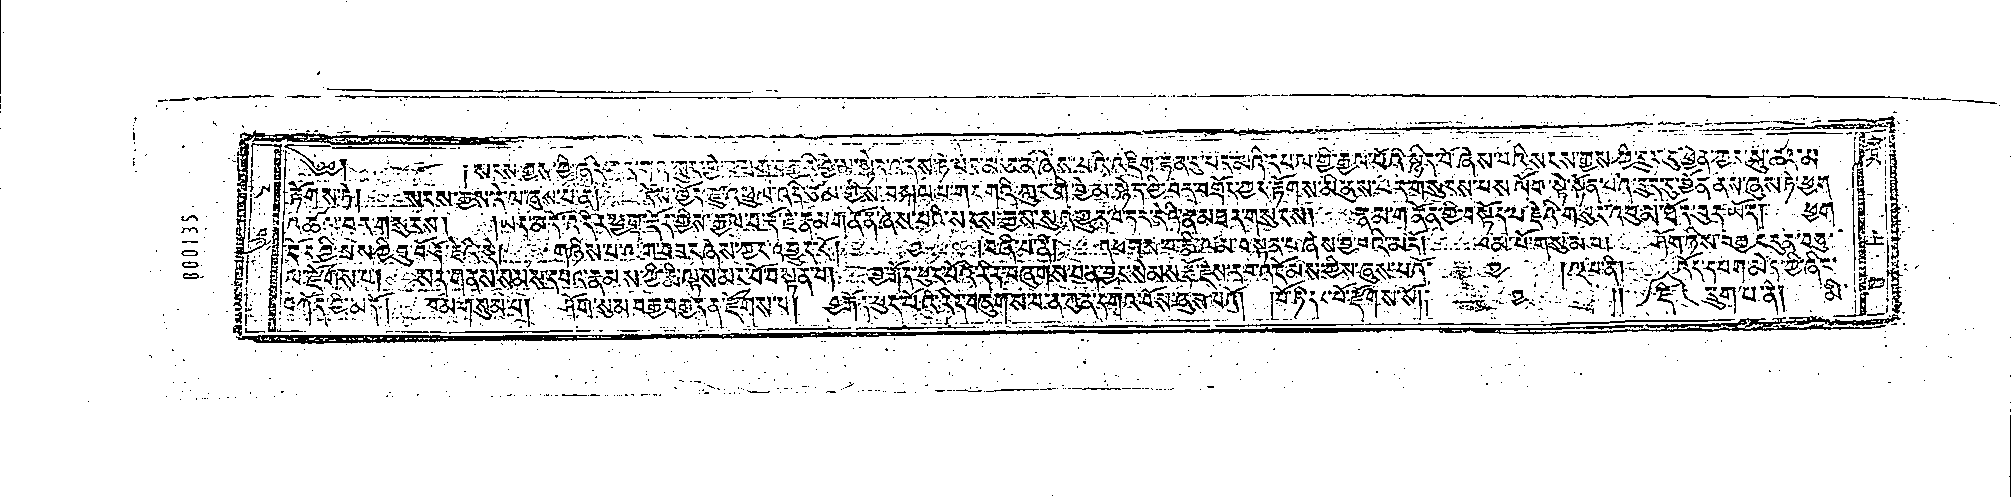༄༅། །སངས་རྒྱས་ཀྱི་ཞིང་གང་གའི་ཀླུང་བྱེ་བ་ཕྲག་བརྒྱའི་བྱེ་མ་སྙེད་འདས་ཏེ་པང་མ་ཅན་ཞེས་པའི་འཇིག་རྟེན་དུ་པང་མའི་དཔལ་གྱི་རྒྱལ་པོའི་སྙིང་པོ་ཞེས་པའི་སངས་རྒྱས་ཀྱི་དྲུང་དུ་ཕྱིན་ཀྱང་སྐུ་ཚད་མ་
རྟོགས་ཏེ། སངས་རྒྱས་དེ་ལ་ཞུས་པ་ན། དེས་ཁྱོད་རྫུ་འཕྲུལ་འདི་ཙམ་གྱིས་བསྐལ་པ་གང་གའི་ཀླུང་གི་བྱེ་མ་སྙེད་གྱི་བར་བགྲོང་ཀྱང་རྟོགས་མི་ནུས་པར་གསུངས་པས་ལོག་སྟེ་སྟོན་པའི་དྲུང་དུ་བྱོན་ནས་ཞུས་ཏེ་ཕྱག་
འཚལ་བར་གསུངས། །ཡང་མདོ་འདིར་ཕྱག་རྡོར་གྱིས་རྒྱལ་བ་རྡོ་རྗེ་རྣམ་གནོན་ཞེས་པའི་སངས་རྒྱས་སུ་འགྱུར་བ་དང་དེའི་རྣམ་ཐར་གསུངས། རྣམ་གནོན་གྱི་བསྟོད་པ་རྗེའི་གསུང་འབུམ་ཐོར་བུར་ཡོད། ཕྱག་
དོར་གྱི་སྲས་ཀྱི་ཐུ་བོ་རྡོ་རྗེའི་སྡེ། གཉིས་པ་ལག་བཟང་ཞེས་ཀྱང་འབྱུང་ངོ། ༧་།བཞི་པ་ནི། འཕགས་པ་རྨི་ལམ་བསྟན་པ་ཞེས་བྱ་བའི་མདོ། བམ་པོ་གསུམ་པ། ཤོག་ཉིས་བརྒྱ་བདུན་བཅུ་
ལ་རྫོགས་པ། སར་གནས་སེམས་དཔའ་རྣམས་ཀྱི་རྨི་ལྟས་མང་པོ་བསྟན་པ། བྱ་རྒོད་ཕུང་པོའི་རིར་བཞུགས་པ་ན་བྱང་སེམས་རྡོ་རྗེས་རབ་འཇོམས་ཀྱིས་ཞུས་པའོ། ༧་།ལྔ་པ་ནི། འོད་དཔག་མེད་ཀྱི་ཞིང་
བཀོད་ཀྱི་མདོ། བམ་གསུམ་པ། ཤོག་སུམ་བརྒྱ་བརྒྱད་ན་རྫོགས་པ། བྱ་རྒོད་ཕུང་པོའི་རིར་བཞུགས་པ་ན་ཀུན་དགའ་བོས་ཞུས་པའོ། །པོ་ཏི་དང་པོ་རྫོགས་སོ།། ༧་།།ཛ྄ི་དྲུག་པ་ནི། མི་